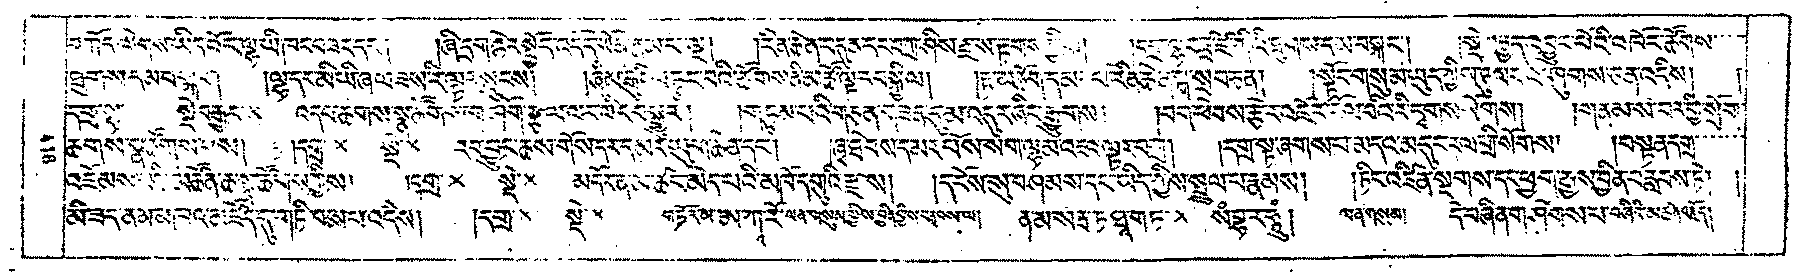བཀོད་ལེགས་ཡིད་འོང་ལྷ་ཡི་ཁང་བཟང་དང་། །ཞི་དྲག་ཉེར་སྤྱོད་འདོད་ཡོན་རྣམ་པ་ལྔ། །རིན་ཆེན་བདུན་དང་བཀྲ་ཤིས་རྫས་རྟགས་ཀྱིས། །དགྲ་ལྷ་བཛྲ་ཛ་ཀིའི་ཐུགས་དམ་བསྐང་། །སྡེ་བརྒྱད་འབྱུང་པོའི་འཁོར་ཚོགས་
ཐུགས་དམ་བསྐང་། །ལྷ་དང་མི་ཡི་ཞལ་ཟས་རི་ལྟར་སྤུངས། །ཞིམ་རྒུའི་བཏུང་བའི་ཚོགས་ནི་མཚོ་ལྟར་བསྐྱིལ། །རྟ་མཆོག་དམར་པོ་རིན་ཆེན་སྒ་སྲབ་ཅན། །སྟོང་གསུམ་ཡུད་ཀྱིས་ཉུལ་བའི་ཤུགས་ཅན་འདིས། །
དགྲ་ལྷ་྾་སྡེ་བརྒྱད་྾་འདབ་ཆགས་སྣ་ཚོགས་གཤོག་རྩལ་ལང་ལིང་བསྒྱུར། །གཏུམ་པའི་གཅན་གཟན་དུ་མ་འདུར་ཞིང་རྒྱུགས། །བག་ཕེབས་རྩེར་འཇོར་རོལ་བའི་རི་དྭགས་སོགས། །གནམ་ས་བར་གྱི་སྲོག་
ཆགས་སྣ་ཚོགས་པས། །དགྲ་྾་སྡེ་྾་རབ་བྱུང་ཆས་གོས་དར་དམར་ཡུག་ཆེན་དང་། །ཞྭ་ཐེབས་དམར་པོས་སག་ལྷམ་འཇའ་ལྟར་བཀྲ། །དགྲ་སྟ་ཞགས་པ་མདའ་མདུང་རལ་གྲི་སོགས། །བསྟན་དགྲ་
འཇོམས་པའི་མཚོན་ཆ་སྣ་ཚོགས་ཀྱིས། །དགྲ་྾་སྡེ་྾་མདོར་ན་མ་ཚང་མེད་པའི་མཁོ་དགུའི་རྫས། །དངོས་སུ་བཤམས་དང་ཡིད་ཀྱིས་སྤྲུལ་པ་རྣམས། །ཏིང་འཛིན་སྔགས་དང་ཕྱག་རྒྱས་བྱིན་བརླབས་ཏེ། །
མི་ཟད་ནམ་མཁའ་མཛོད་དུ་གཏི་བས་པ་འདིས། །དགྲ་྾་སྡེ་྾་གཏོར་མ་ཨ་ཀཱ་རོ་ལན་གསུམ་གྱིས་བྱིན་གྱིས་བརླབས་ལ།  ན་མ་སརྦ་ཏ་ཐཱ་ག་ཏ་྾་སཾ་བྷ་ར་ཧཱུཾ། ལན་གསུམ།  དེ་བཞིན་གཤེགས་པ་བཞིའི་མཚན་བརྗོད།